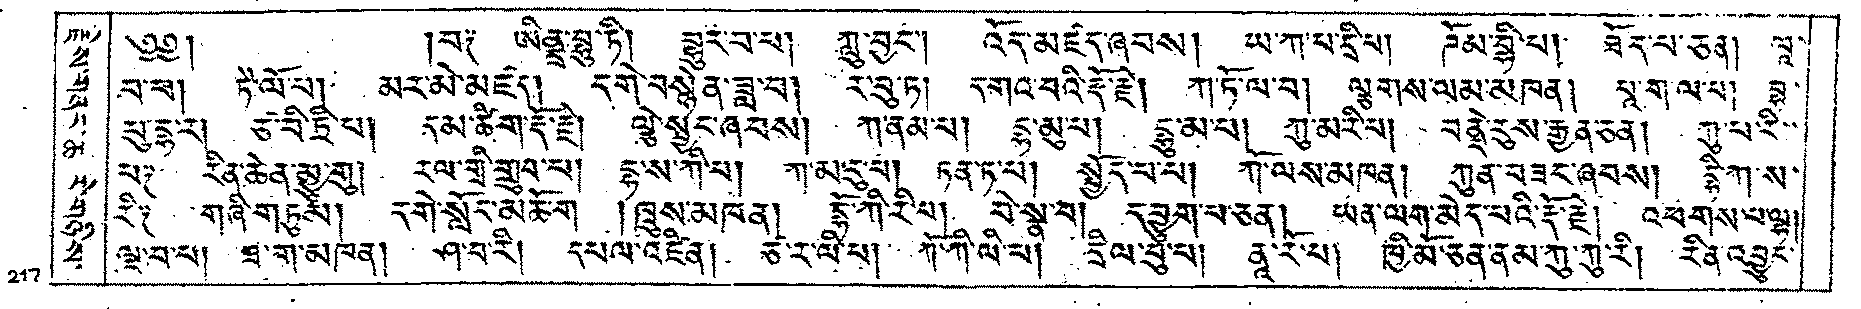༄༅། །བ༑ ཨིནྡྲ་བྷུ་ཏི། བྷུར་བ་པ། ཀླུ་བྱང་། འོད་མཛད་ཞབས། ཡ་ཀ་པ་དྲི་པ། ཌོམ་བྷི་པ། ཐོད་པ་ཅན། ལཱ་
བ་པ། ཏཻ་ལོ་པ། མར་མེ་མཛད། དགེ་བསྙེན་ཟླ་བ། ར་བུ་ཏ། དགའ་བའི་རྡོ་རྗེ། ཀ་ཏོ་ལ་བ། ལྕགས་ལམ་མཁན། པཱ་ག་ལ་པ། བྷ་
པུ་དྷ་ར། ཙ་བི་ཏྲི་པ། དམ་ཚིག་རྡོ་རྗེ། ལྕེ་སྦྱང་ཞབས། ཀ་ནམ་པ། དྷ་མུ་པ། དྷུ་མ་པ། ཀུ་མ་རི་པ། བནྡེ་རུས་རྒྱན་ཅན། ཀུ་པ་རི་
པ༑ རིན་ཆེན་མྱུ་གུ། རལ་གྲི་གྲུབ་པ། དྷ་ས་ཀི་པ། ཀ་མ་རུ་པ། ཏན་ཏ་པ། སྤྱོད་པ་པ། ཀོ་ལས་མཁན། ཀུན་བཟང་ཞབས། དྷི་ཀ་ས་
རི༑ གཞི་གཏུམ། དགེ་སློང་མཆོག །ཁྲུས་མཁན། དྷོ་ཀི་རི་པ། བེ་སྣ་བ། དབྱུག་པ་ཅན། ཡན་ལག་མེད་པའི་རྡོ་རྗེ། འཕགས་པ་ལྷ།
ལྔ་བ་པ། ཐ་ག་མཁན། ཤ་བ་རི། དཔལ་འཛིན། ཙ་ར་ལི་པ། ཀོ་ཀི་ལི་པ། དྲིལ་བུ་པ། ནཱ་རོ་པ། ཁྱི་མོ་ཅན་ནམ་ཀུ་ཀུ་རི། རིན་འབྱུང་